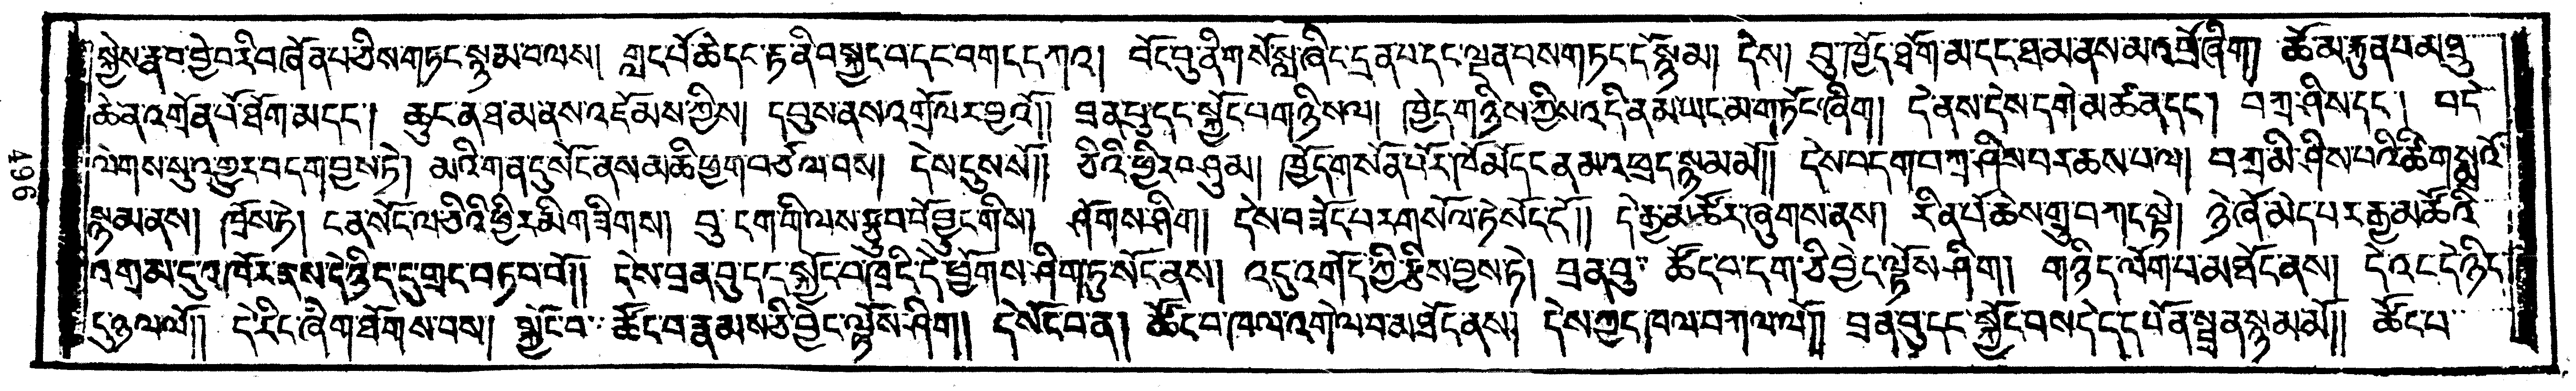སྐྱེས་རྣ་བ་བྱེ་བ་རི་བཞོན་པ་ཅིས་གཏང་སྙམ་བ་ལས། གླང་པོ་ཆེ་དང་རྟ་ནི་བསྐྱང་བ་དང་འགད་དཀའ། བོང་བུ་ནི་གསོ་སླ་ཞིང་དྲན་པ་དང་ལྡན་པས་གཏང་ངོ་སྙམ། དེས། བུ་ཁྱོད་ཐོག་མ་དང་ཐ་མ་ནས་མ་འགྲོ་ཞིག། ཆོ་མ་རྐུན་པ་མཐུ་
ཆེ་ན་འགྲོན་པོ་ཐོག་མ་དང་། ཆུང་ན་ཐ་མ་ནས་འཇོམས་ཀྱིས། དབུས་ནས་འགྲོ་ལར་བྱའོ།། བྲན་པུ་དང་སྐྱོང་པ་གཉིས་ལ། ཁྱེད་གཉིས་ཀྱིས་འདི་ནམ་ཡང་མ་གཏོང་ཞིག། དེ་ནས་དེས་དགེ་མཚན་དང་། བཀྲ་ཤིས་དང་། བདེ་
ལེགས་སུ་འགྱུར་བདག་བྱས་ཏེ། མའི་གན་དུ་སོང་ནས་མཆི་ཕྱག་བཙལ་བས། དེས་དུས་སོ།། ཅིའི་ཕྱིར་བཤུམ། ཁྱོད་གསོན་པོར་ཁོ་མོ་དང་ནམ་འཕྲད་སྙམ་མོ།། དེས་བདག་བཀྲ་ཤིས་པར་ཆས་པ་ལ། བཀྲ་མི་ཤིས་པའི་ཚིག་སྨྲའོ་
སྙམ་ནས། ཁྲོས་ཏེ། ངན་སོང་ལ་ཅིའི་ཕྱིར་མི་གཟིགས། བུ་ངག་གི་ལས་རྩུབ་བོ་བྱུང་གིས། ཤོགས་ཤིག། དེས་བཟོང་པར་གསོལ་ཏེ་སོད་དོ།། དེ་རྒྱ་མཚོར་ཞུགས་ནས། རིན་པོ་ཆེས་གྲུ་བཀང་སྟེ། ཉེ་ཞོ་མེད་པར་རྒྱ་མཚོའི་
འགྲམ་དུ་འཁོར་ནས་དེ་ཉིད་དུ་གྲང་བཏབ་བོ།། དེས་བྲན་བུ་དང་སྐྱོང་བ་ཁྲིད་དེ་ཕྱོགས་ཤིག་ཏུ་སོང་ནས། འདུ་འགོད་ཀྱི་རྩིས་བྱས་ཏེ། བྲན་བུ་ཚོད་བ་དག་ཅི་བྱེད་ལྟོས་ཤིག། གཉིད་ལོག་པ་མཐོང་ནས། དེ་འང་དེ་ཉིད་
དུ་ཉལ་ལོ།། དེ་རིང་ཞིག་ཐོགས་བས། སྐྱོང་བ་ཚོང་བ་རྣམས་ཅི་བྱེད་ལྟོས་ཤིག། དེ་སོང་བ་ན། ཚོང་བ་ཁལ་འགེལ་བ་མཐོང་ནས། དེས་ཀྱང་ཁལ་བཀལ་ལོ།། བྲན་བུ་དང་སྐྱོང་བས་དེད་དཔོན་སྦྲན་སྙམ་མོ།། ཚོང་པ་